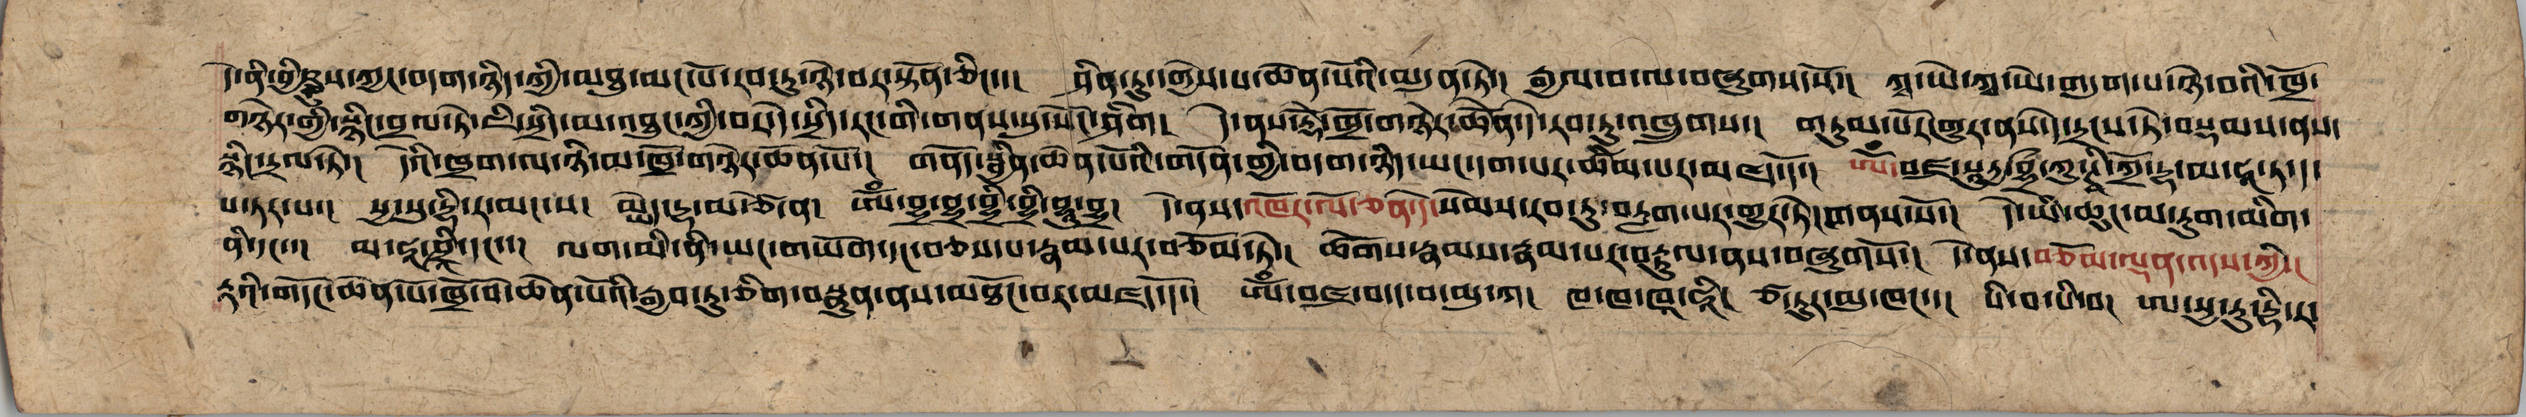དེ་ནི་བྱིཥྞས་ཀྱང་བདག་ཉིད་ཀྱི་མཐུ་མང་པོ་རབ་ཏུ་ཉེ་བར་སྟོན་ཅིང་་། ཤིན་ཏུ་དགྱེས་པ་ཆེན་པོའི་མདུན་ཏེ་། རྒྱལ་བ་ལ་བཞུགས་སོ་། ཀྵ་ཡེ་ཀྵ་ཡེ་གདུག་པ་ཉེ་བའི་ཁྲོ་
གཉེར་གྱི་སྙིང་བྲལ་ཏེ་ཇི་སྲིད་མ་འཐུང་ཀྱི་བར་་ཻ་སྲིད་རང་གི་གནས་སུ་སོང་ཤིག། དེ་ནས་རྡོེ་ཁྲོ་གཉེར་ཆེོན་དེ་རབ་ཏུ་འཁྲུགས་། གཏུམ་པོར་གྱུར་ནས་དེ་དྲངས་ཏེ་བསྡམས་ནས་
སྙིང་དྲལ་ཏེ་། དེའི་ཁྲག་ལ་ཉི་མ་ཁྲོ་གཉེར་ཆེན་པོ་། གནོད་སྦྱིན་ཆེན་པོའི་གདོན་གྱི་བདག་ཉིད་ཡང་དག་པར་ཚིམ་པར་མཛད་དོ་། ཨོཾ་བཛྲ་སཱུརྱ་བྷྲྀ་ཀུ་ཊྭི་ཀྲོ་ཌྷ་མ་ཧཱ་ཏ་ད་
པ་ཏར་པ་། སྱ་སུ་དྷི་ར་མང་ས། མྱེད་དྷ་མ་ཙེ་ན། ཨོཾ་བྷྲ་བྷྲ་བྷྲི་བྷྲི་བྷཱུ་བྷྲ། དེ་ནས་འཁོར་ལོ་ཅན་དེ་སེམས་རབ་ཏུ་བརླག་པར་གྱུར་ཏེ་གནས་སོ་། དེ་ཡི་ཆུང་མ་རུག་མིག་
ནི་དང་་། མ་ཧཱ་ཤྲཱཱ་ི་དང་་། ལག་མི་ནི་ཡང་གཡོག་དང་བཅས་པ་རྣམ་པར་བཅོམ་ཏེ་། ཚོགས་རྣམས་རྣམ་པར་བརྟུལ་ནས་བཞུགསོ་། དེ་ནས་བཅོམ་ལྡན་འདས་ཀྱི་།
རྟའི་གདོང་ཆེན་པོ་ཁྲོ་བོ་ཆེན་པོའི་རྒྱབ་ཏུ་ཅིག་བསྣུན་ནས་མཐོང་བར་མཛད་དོ་། ཨོཾ་བཛྲ་བ་ད་བ་མུ་ཀ། ཁ་ཁ་ཁཱ་ཧཱི། ཙ་ཏུར་མུ་ཁང་་། སི་བ་སི་བ། ཨ་སྱ་རུ་དྷི་ར་